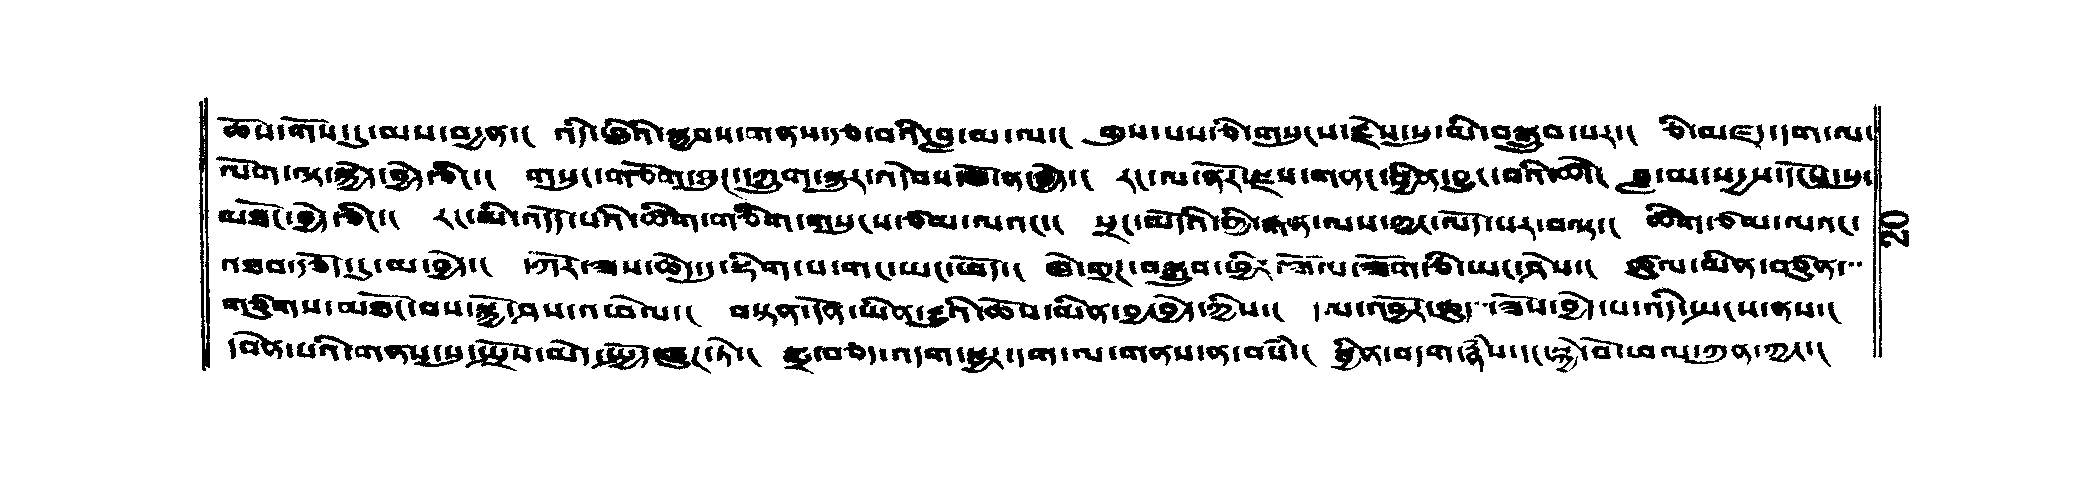ཆོས་གོས་དུ་མས་བརྒྱན། །འདི་ཕྱིའི་སྐྱབས་གནས་རྩ་བའི་བླ་མ་ལ། །གུས་པས་ཅི་གསུངས་རྗེས་སུ་མི་བསྒྲུབ་པར། །ཅི་མཛད་དག་ལ་
ལོག་ལྟ་སྐྱེད་བྱེད་ཅིང་། །གསུང་གཅོག་ཐུགས་དཀྲུག་སྐུར་འདེབས་ཁོ་ན་བྱེད། །རང་ལ་ནོར་རྫས་གནང་སྦྱིན་བྱུང་བའི་ཚེ། །བླ་མ་སངས་རྒྱས་དངོས་སུ་
མཐོང་བྱེད་ཅིང་། །རང་མི་འདོད་པའི་ཚིག་གཅིག་གསུངས་ཙམ་ལའང་། །སྲང་མདོའི་ཁྱི་རྒནལས་ཀྱང་ལོག་པར་བལྟ། །ཚིག་ཙམ་ལའང་
འཐབ་རྩོད་དུ་མ་བྱེད། །དཀོར་ཟས་ཆེད་དུ་སྡིག་པ་གང་ཡང་ཕོད། །ཁེ་གྲགས་བསྒྲུབ་ཕྱིར་ཟོལ་ཟོག་ཅི་ཡང་ཤེས། །ཚུལ་མིན་བཙུན་
གཟུགས་མཐོང་བས་སྐྱོ་ཤས་འཕེལ། །བསྟན་དོན་ཡིན་རྒྱུའི་ཆོས་མིན་བྱ་བྱེད་ཀྱིས། །དལ་འབྱོར་ཆུད་ཟོས་བྱེད་པ་འདི་སྤངས་ནས། །
དབེན་པའི་གནས་སུ་སྤྲོས་མེད་སྤྱོད་ཞུགས་ཏེ། །སྨྲ་བཅད་འདག་སྦྱར་དག་ལ་གནས་ན་བསམ། །སྦྱིན་བདག་རྣམས་དང་སྐྱེ་བོ་ཕལ་ཀུན་ཀྱང་། །